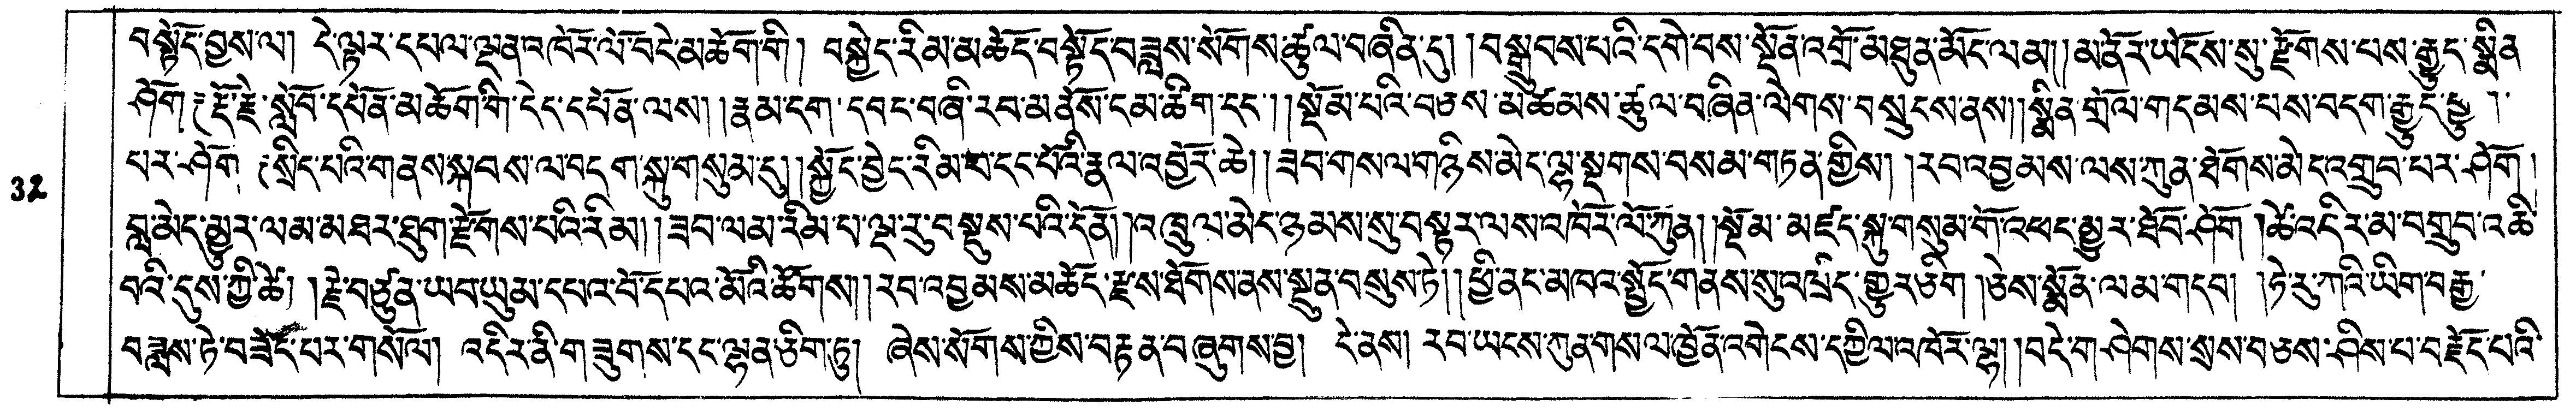བསྟོད་བྱས་ལ། དེ་ལྟར་དཔལ་ལྡན་འཁོར་ལོ་བདེ་མཆོག་གི །བསྐྱེད་རིམ་མཆོད་བསྟོད་བཟླས་སོགས་ཚུལ་བཞིན་དུ། །བསྒྲུབས་པའི་དགེ་བས་སྔོན་འགྲོ་མཐུན་མོང་ལམ། །མ་ནོར་ཡོངས་སུ་རྫོགས་པས་རྒྱུད་སྨིན་
ཤོག༑ རྡོ་རྗེ་སློབ་དཔོན་མཆོག་གི་དེད་དཔོན་ལས། །རྣམ་དག་དབང་བཞི་རབ་མནོས་དམ་ཚིག་དང་། །སྡོམ་པའི་བཅས་མཚམས་ཚུལ་བཞིན་ལེགས་བསྲུངས་ནས། །སྨིན་གྲོལ་གདམས་པས་བདག་རྒྱུད་ཕྱུག་
པར་ཤོག ༑སྲིད་པའི་གནས་སྐབས་ལ་བདག་སྐུ་གསུམ་དུ། །སྐྱོད་བྱེད་རིམ་པ་དང་པོའི་རྣལ་འབྱོར་ཆེ། །ཟབ་གསལ་གཉིས་མེད་ལྷ་སྔགས་བསམ་གཏན་གྱིས། །རབ་འབྱམས་ལས་ཀུན་ཐོགས་མེད་འགྲུབ་པར་ཤོག །
བླ་མེད་མྱུར་ལམ་མཐར་ཐུག་རྫོགས་པའི་རིམ། །ཟབ་ལམ་རིམ་པ་ལྔ་རུ་བསྡུས་པའི་དོན། །འཁྲུལ་མེད་ཉམས་སུ་བསྟར་ལས་འཁོར་ལོ་ཀུན། །སྡོམ་མཛད་སྐུ་གསུམ་གོ་འཕང་མྱུར་ཐོབ་ཤོག །ཚེ་འདིར་མ་འགྲུབ་འཆི་
བའི་དུས་ཀྱི་ཚེ། །རྗེ་བཙུན་ཡབ་ཡུམ་དཔའ་བོ་དཔའ་མོའི་ཚོགས། །རབ་འབྱམས་མཆོད་རྫས་ཐོགས་ནས་སྡུན་བསུས་ཏེ། །ཕྱི་ནང་མཁའ་སྤྱོད་གནས་སུ་འཁྲིད་གྱུར་ཅིག །ཅེས་སྨོན་ལམ་གདབ། །ཧེ་རུ་ཀའི་ཡིག་བརྒྱ་
བཟླས་ཏེ་བཟོད་པར་གསོལ། འདིར་ནི་གཟུགས་དང་ལྷན་ཅིག་ཏུ། ཞེས་སོགས་ཀྱིས་བརྟན་བཞུགས་བྱ། དེ་ནས། རབ་ཡངས་ཀུན་གསལ་ཁྱོན་འགེངས་དཀྱིལ་འཁོར་ལྷ། །བདེ་གཤེགས་སྲས་བཅས་ཤིས་པ་བརྗོད་པའི་